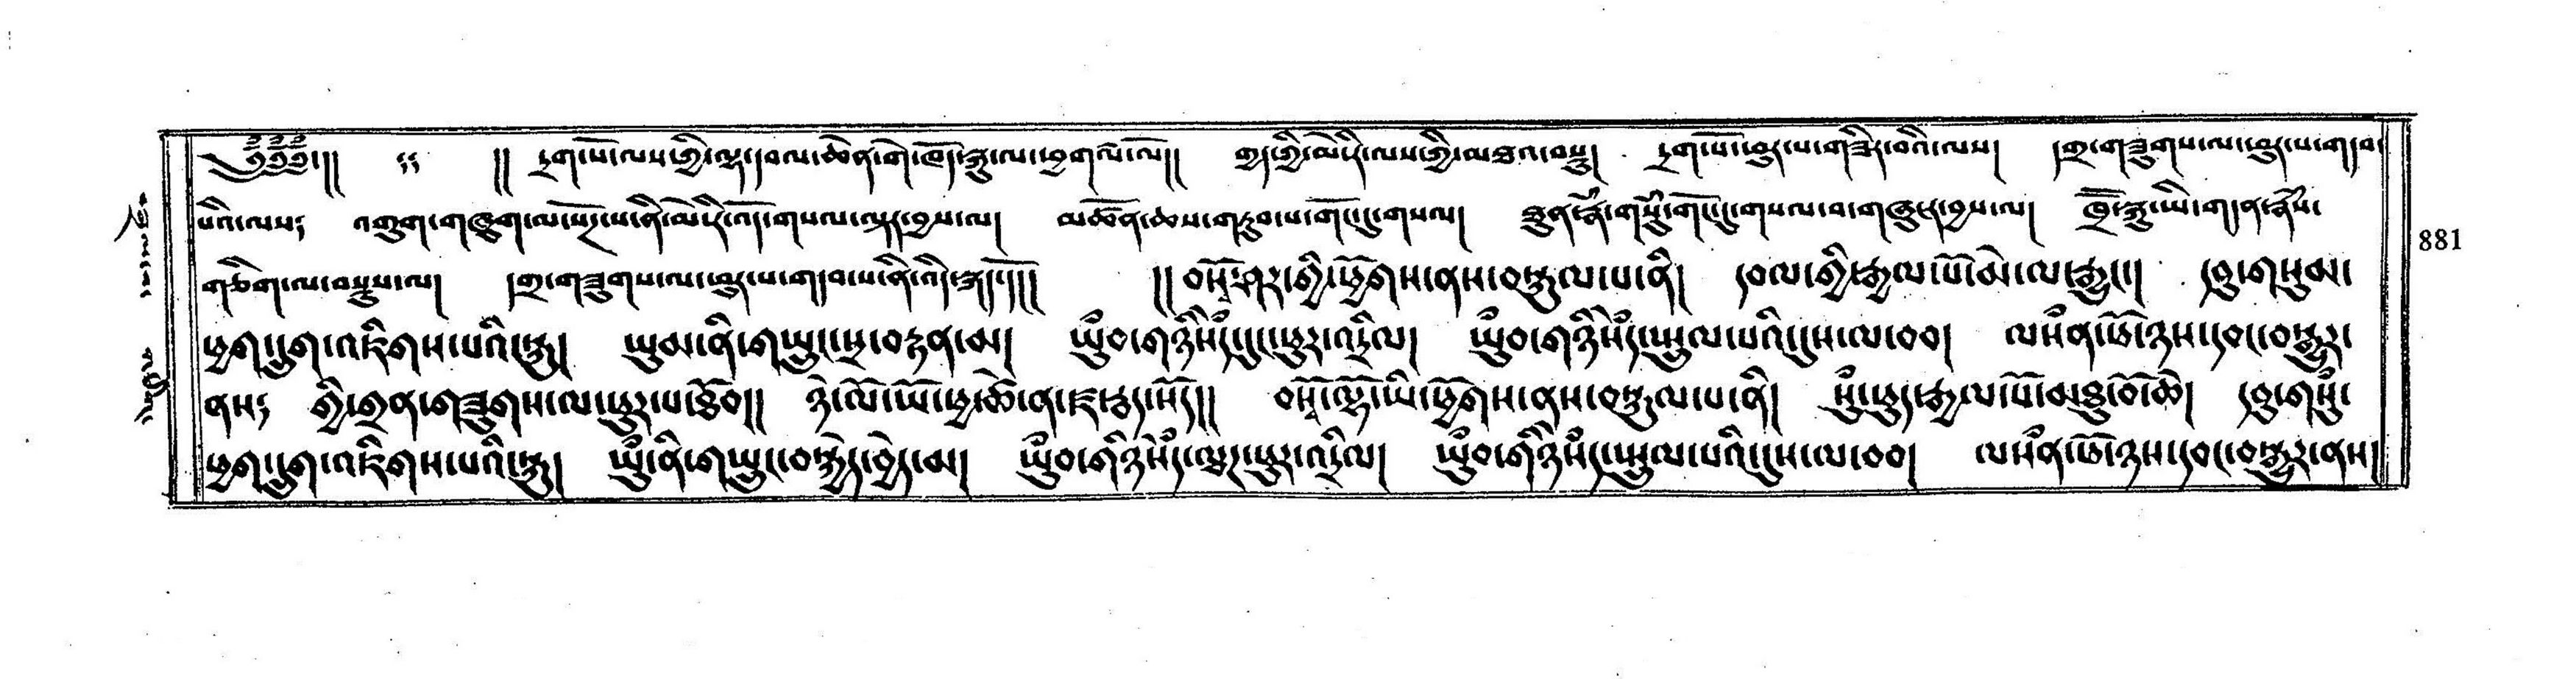༄༅༅།། །།དྲག་པོ་ལས་ཀྱི་ལྷ་དབལ་ཆེན་གེ་ཁོད་སྐུ་ལ་ཕྱག་འཚལ་ལོ།། གྱད་ཀྱི་མེ་རི་ལས་ཀྱི་མཐའ་བསྡུ། དྲག་པོ་ཕུར་པ་གཟིར་བའི་ལས། དགྲ་གཟུགས་ལ་ཕུར་པ་གདབ་
པའི་ལས། འགུག་གཞུག་ལ་སོགས་པ་ནི་མེ་རི་འོད་གསལ་ལྟར་བྱས་ལ། མཚོན་ཆས་གཏུབ་པ་གོང་དུ་གསལ། ཐུན་རྣམ་གསུམ་གོང་དུ་གསལ་བ་གཞུང་ལྟར་བྱས་ལ། ཁྲོ་བོ་སྐུ་ཡི་གདན་རྣམས་
གཅིག་ལ་བསྡུས་ལ། དགྲ་གཟུགས་ལ་ཕུར་པ་གདབ་པ་ནི་འདི་སྐད་དོ།། །།བསྭོ་ཤར་གྱི་ཕྱོགས་ནས་བསྐུལ་པ་ནི། དབལ་གྱི་རྒྱལ་པོ་མེ་ལ་རྒྱུང་། དབུ་གསུམ་
ཕྱག་དྲུག་འཇིགས་པའི་སྐུ། ཡུམ་ནི་གཡུང་དྲུང་སྲ་བརྟན་མ། ཡབ་ཡུམ་གཉིས་མེད་དུང་ཕུར་འདྲིལ། ཡབ་ཡུམ་གཉིས་མེད་སྤྲུལ་པའི་དུས་ལ་བབ། ལས་མཁན་ཕོ་ཉས་དབང་བསྒྱུར་
ནས། གྱི་གྲན་གཟུགས་ལ་ཕུར་པ་ཐོབ།། ཉེ་ལོ་ཡོ་ཕྱ་ཚེ་ན་ཛ་རྦད་སོད།། བསྭོ་ལྷོ་ཡི་ཕྱོགས་ནས་བསྐུལ་པ་ནི། སུམ་ཕུད་རྒྱལ་པོ་མཐུ་བོ་ཆེ། དབུ་གསུམ་
ཕྱག་དྲུག་འཇིགས་པའི་སྐུ། ཡུམ་ནི་གཡུང་དྲུང་བསྐྱེད་བྱེད་མ། ཡབ་ཡུམ་གཉིས་མེད་ལྕགས་ཕུར་འདྲིལ། ཡབ་ཡུམ་གཉིས་མེད་སྤྲུལ་པའི་དུས་ལ་བབ། ལས་མཁན་ཕོ་ཉས་དབང་བསྒྱུར་ནས།